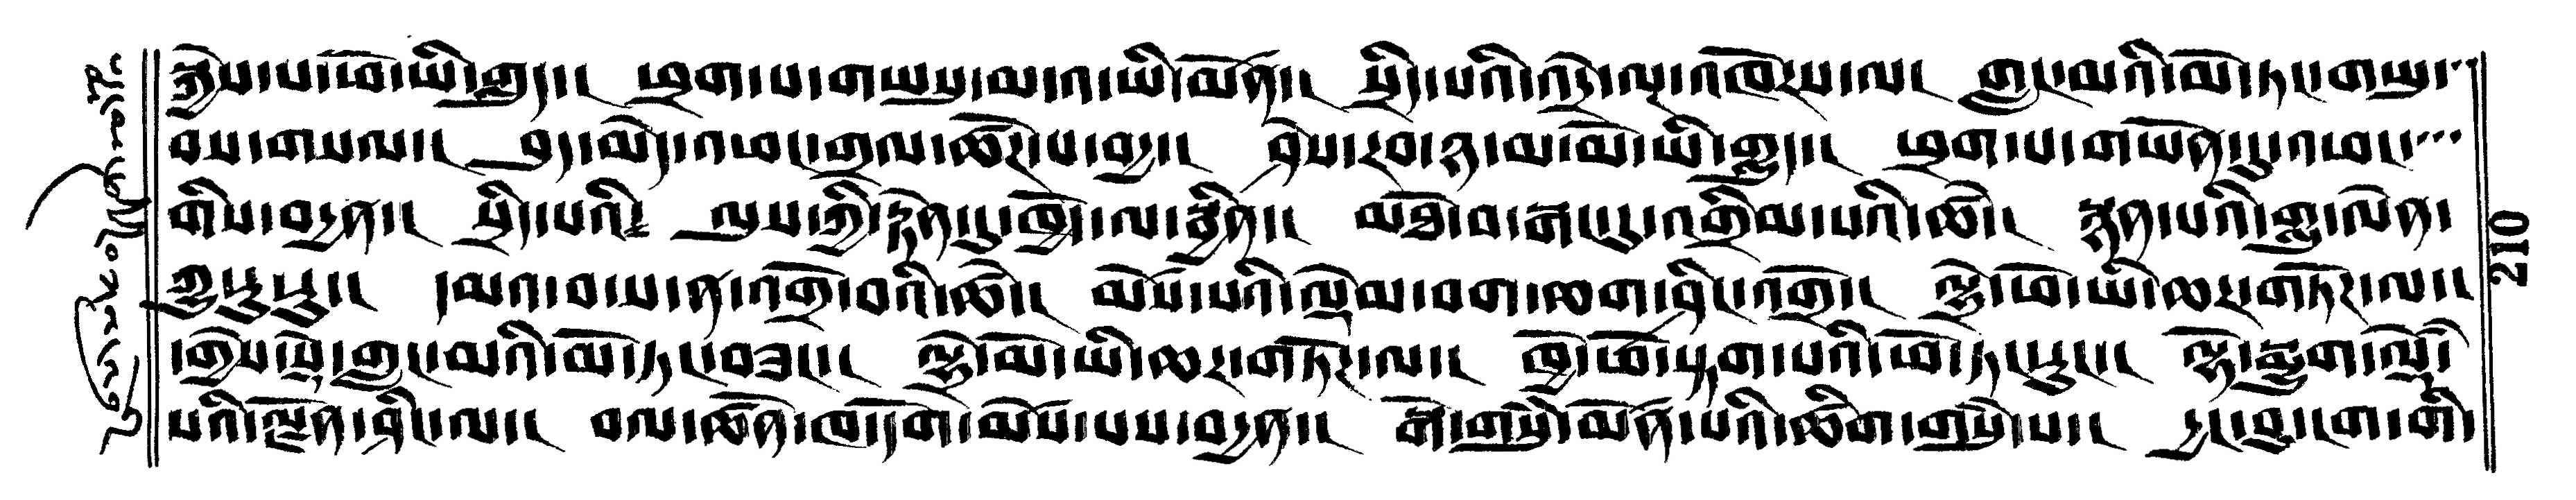སྐྱེས་པ་ཕོ་ཡི་གླུད། །ཕྲག་པ་གཡས་སུ་མདའ་ཡི་མཚོན། །སྲིད་པའི་འདྲེ་ལྔ་འཁོར་བཅས་ལ། །གླང་མའི་མོ་ཏང་གཡུ་
བས་གསལ། །བུད་མེད་འཕང་གྲལ་ཚོགས་པ་བརྒྱ། །ཤེས་རབ་ཟ་མ་མོ་ཡི་གླུད། །ཕྲག་པ་གཡོན་དུ་འཕང་
གིས་བརྒྱན། །སྲིད་པའི༴ལུས་ཀྱི་རྟེན་དུ་ཁྱོད་ལ་སྦྱིན། །མཐོ་བ་སྒང་དུ་འགྲིམ་པའི་ཚེ། །སྙན་པའི་གླུ་ལེན་
ཀྱུ་རུ་རུ། །དམའ་བ་ས་ན་འགྲོ་བའི་ཚེ། །མཛེས་པའི་ལྡེམ་བག་ཆགས་ཤིང་འགྲོ། །ལྷ་འདྲེ་ཕོ་ཡི་ཆར་གཏོགས་ལ། །
དགྱེས་སྡེ་གླང་མའི་མོ་ཏང་བཟང་། །ལྷ་འདྲེ་མོ་ཡི་ཆར་གཏོགས་ལ། ཁྱོ་ཕོ་སྟག་པའི་ཕོ་ཏ་རུང་། །ལྷོ་སྨྱུག་ལྡེམ་
པའི་ལྗོན་ཤིང་ལ། །བལ་ཚོན་ཁ་དོག་མཛེས་པས་བརྒྱན། །སྒོ་གསུམ་མཚོན་པའི་ཚིགས་གསུམ་པ། །རྒྱང་བུ་ངག་གི་